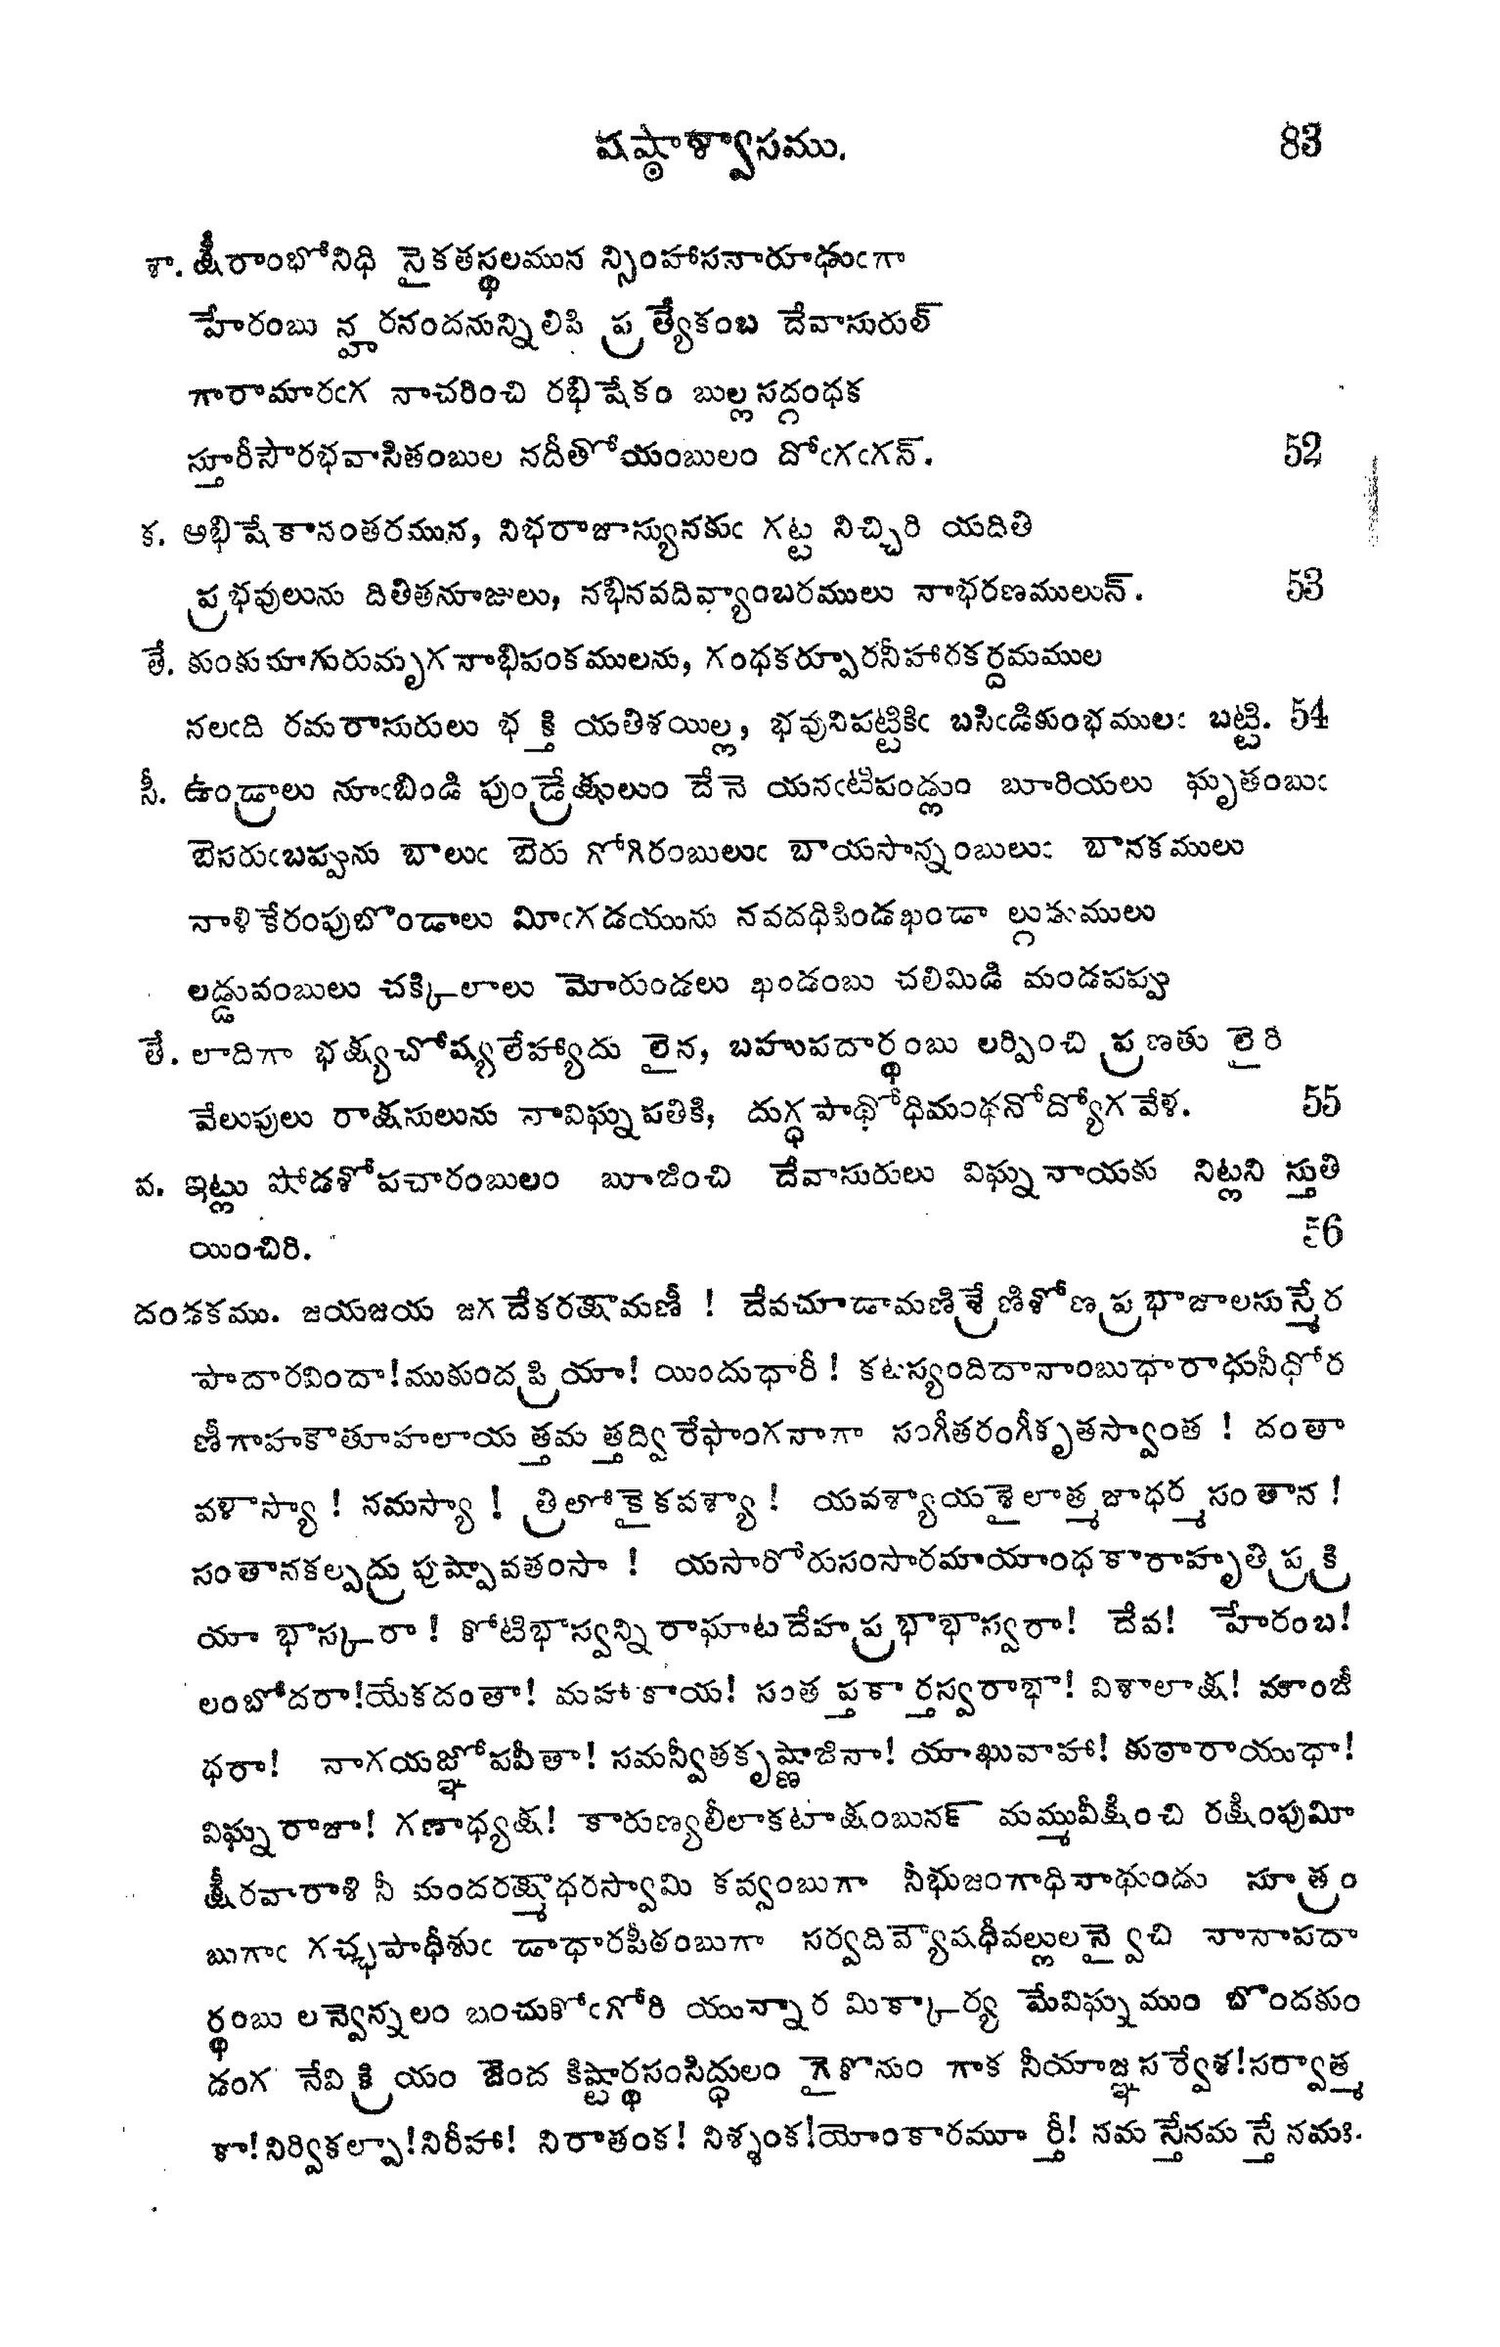శా. క్షీరాంభోనిధి సైకతస్థలమున న్సింహాసనారూఢుఁగా
హేరంబు న్హరనందను న్నిలిపి ప్రత్యేకంబ దేవాసురుల్
గారామారఁగ నాచరించి రభిషేకం బుల్లసద్గంధక
స్తూరీసౌరభవాసితంబుల నదీతోయంబులం దోఁగఁగన్. 52

క. అభిషేకానంతరమున, నిభరాజాస్యునకుఁ గట్ట నిచ్చిరి యదితి
ప్రభవులును దితితనూజులు, నభినవదివ్యాంబరములు నాభరణములున్. 53

తే. కుంకుమాగురుమృగనాభిపంకములను, గంధకర్పూరనీహాగకర్దమముల
నలఁది రమరాసురులు భక్తి యతిశయిల్ల, భవునిపట్టికిఁ బసిఁడికుంభములఁ బట్టి. 54

సీ. ఉండ్రాలు నూఁబిండి పుండ్రేక్షులుం దేనె యనఁటిపండ్లుం బూరియలు ఘృతంబుఁ
బెసరుఁబప్పును బాలుఁ బెరు గోగిరంబులుఁ బాయసాన్నంబులుఁ బానకములు
నాళికేరంపుబొండాలు మీఁగడయును నవదధిపిండఖండా ల్గుడుములు
లడ్డువంబులు చక్కిలాలు మోరుండలు ఖండంబు చలిమిడి మండపప్పు
తే. లాదిగా భక్యచోష్యలేహ్యాదు లైన, బహుపదార్థంబు లర్పించి ప్రణతు లైరి
వేలుపులు రాక్షసులును నావిఘ్నపతికి, దుగ్ధపాథోధిమంథనోద్యోగవేళ. 55

వ. ఇట్లు పోడశోపచారంబులం బూజించి దేవాసురులు విఘ్ననాయకు నిట్లని స్తుతియించిరి. 56

దండకము. జయజయ జగదేకరక్షామణీ! దేవచూడామణిశ్రేణిశోణప్రభాజాలసుస్మేరపాదారవిందా! ముకుందప్రియా! యిందుధారీ! కటస్యందిదానాంబుధారాధునీధోరణీగాహకౌతూహలాయత్తమత్తద్విరేఫాంగనాగా సంగీతరంగీకృతస్వాంత! దంతావళాస్యా! నమస్యా! త్రిలోకైకవశ్యా! యవశ్యాయశైలాత్మజాధర్మసంతాన! సంతానకల్పద్రుపుష్పావతంసా! యసారోరుసంసారమాయాంధకారాహృతిప్రక్రియాభాస్కరా! కోటిభాస్వన్నిరాఘాటదేహప్రభాభాస్వరా! దేవ! హేరంబ! లంబోదరా! యేకదంతా! మహాకాయ! సంతప్తకార్తస్వరాభా! విశాలాక్ష! మౌంజీధరా! నాగయజ్జోపవీతా! సమన్వితకృష్ణాజినా! యాఖువాహా! కుఠారాయుధా! విఘ్నరాజా! గణాధ్యక్ష! కారుణ్యలీలాకటాక్షంబునన్ మమ్ము వీక్షించి రక్షింపుమీ క్షీరవారాశి నీ మందరక్ష్మాధరస్వామి కవ్వంబుగా నీభుజంగాధినాథుండు సూత్రంబుగాఁ గచ్ఛపాధీశుఁ డాధారపీఠంబుగా సర్వదివ్యౌషధీవల్లుల న్వైచి నానాపదార్థంబు లన్వెన్నలం బంచుకోఁగోరి యున్నార మిక్కార్య మేవిఘ్నముం బొందకుండంగ నేవిక్రియం జెంద కిష్టార్థసంసిద్ధులం గైకొనుం గాక నీయాజ్ఞ సర్వేశ! సర్వాత్మకా! నిర్వికల్పా! నిరీహా! నిరాతంక! నిశ్శంక! యోంకారమూర్తీ! నమస్తే నమస్తే నమః.